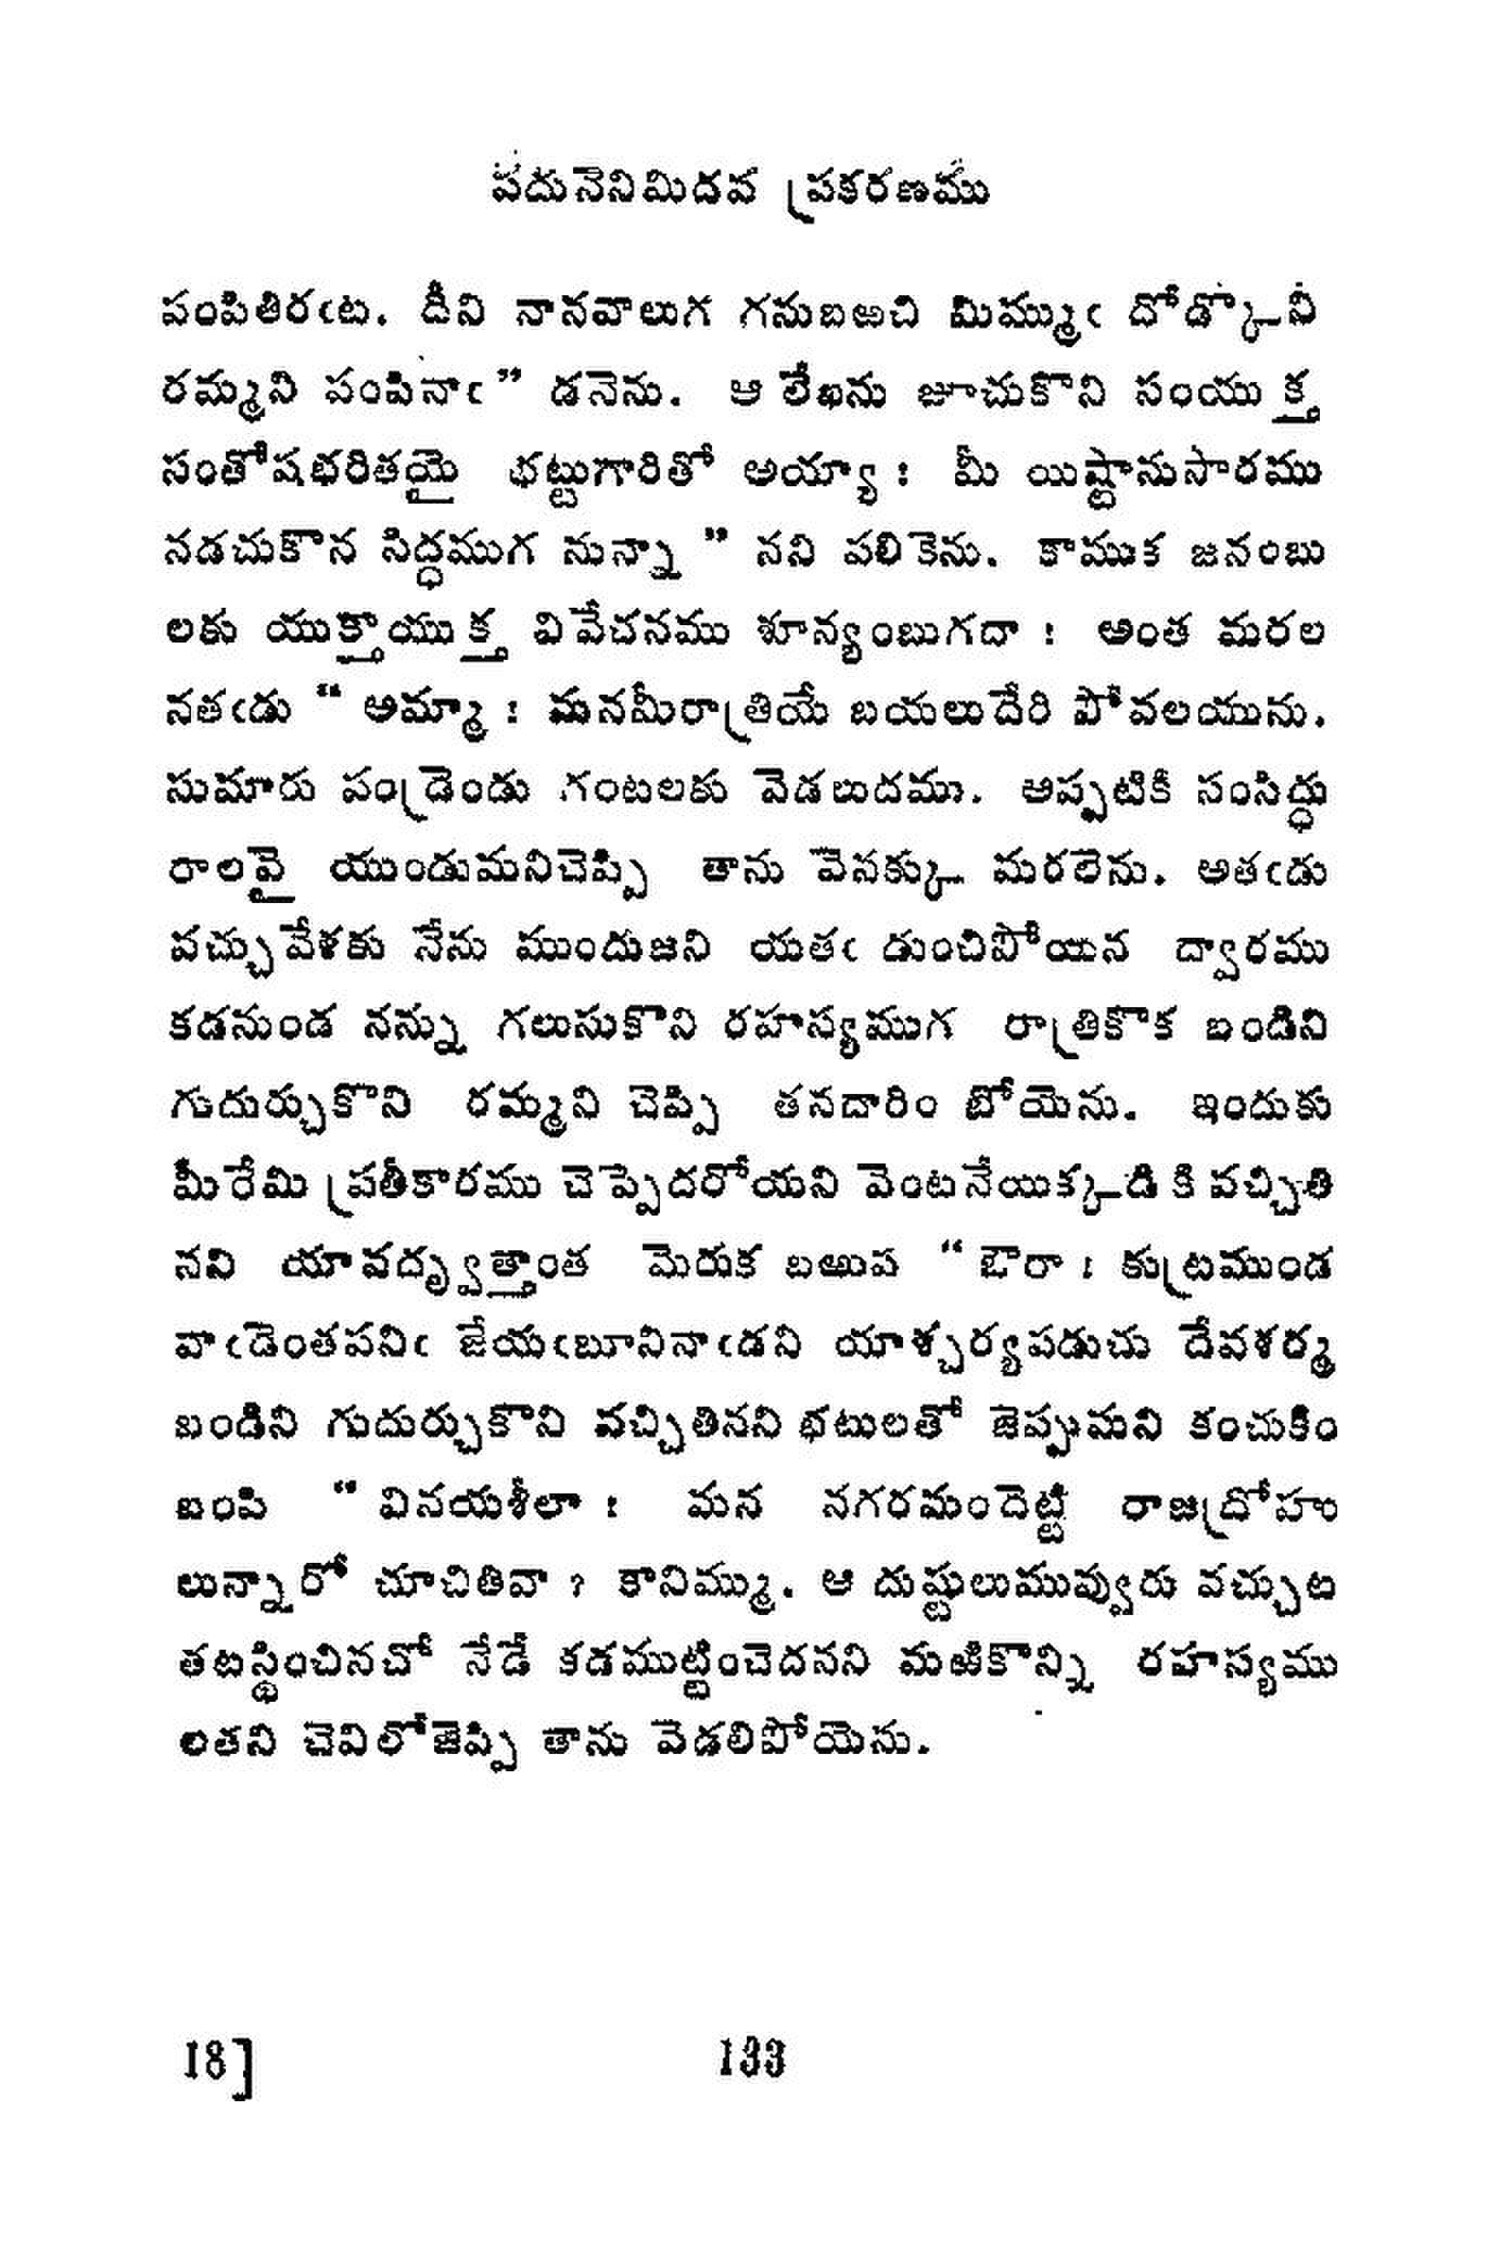పంపితిరఁట. దీని నానవాలుగ గనుబఱచి మిమ్ముఁ దోడ్కొని రమ్మని పంపినాఁ" డనెను. ఆ లేఖను జూచుకొని సంయుక్త సంతోషభరితయై భట్టుగారితో అయ్యా! మీ యిష్టానుసారము నడచుకొన సిద్ధముగ నున్నా" నని పలికెను. కాముక జనంబులకు యుక్తాయుక్త వివేచనము శూన్యంబుగదా ! అంత మరల నతఁడు " అమ్మా ! మనమీరాత్రియే బయలు దేరి పోవలయును. సుమారు పండ్రెండు గంటలకు వెడలుదము. అప్పటికి సంసిద్ధురాలవై యుండుమనిచెప్పి తాను వెనక్కు మరలెను. అతఁడు వచ్చువేళకు నేను ముందుజని యతఁ డుంచిపోయన ద్వారము కడనుండ నన్ను గలుసుకొని రహస్యముగ రాత్రికొక బండిని గుదుర్చుకొని రమ్మని చెప్పి తనదారిం బోయెను. ఇందుకు మీరేమీ ప్రతీకారము చెప్పెదరోయని వెంటనేయిక్కడి కి వచ్చితినని యావదృత్తాంత మెరుక బఱుప “ ఔరా ! కుట్రముండ వాఁడెంతపనిఁ జేయఁబూనినాఁడని యాశ్చర్యపడుచు దేవశర్మ బండిని గుదుర్చుకొని వచ్చితినని భటులతో జెప్పుమని కంచుకిం బంపి " వినయశీలా ! మన నగరమందెట్టి రాజద్రోహులున్నారో చూచితివా? కానిమ్ము. ఆ దుష్టులుమువ్వురు వచ్చుట తటస్థించినచో నేడే కడముట్టించెదనని మఱికొన్ని రహస్యము లతని చెవిలోజెప్పి తాను వెడలిపోయెను.